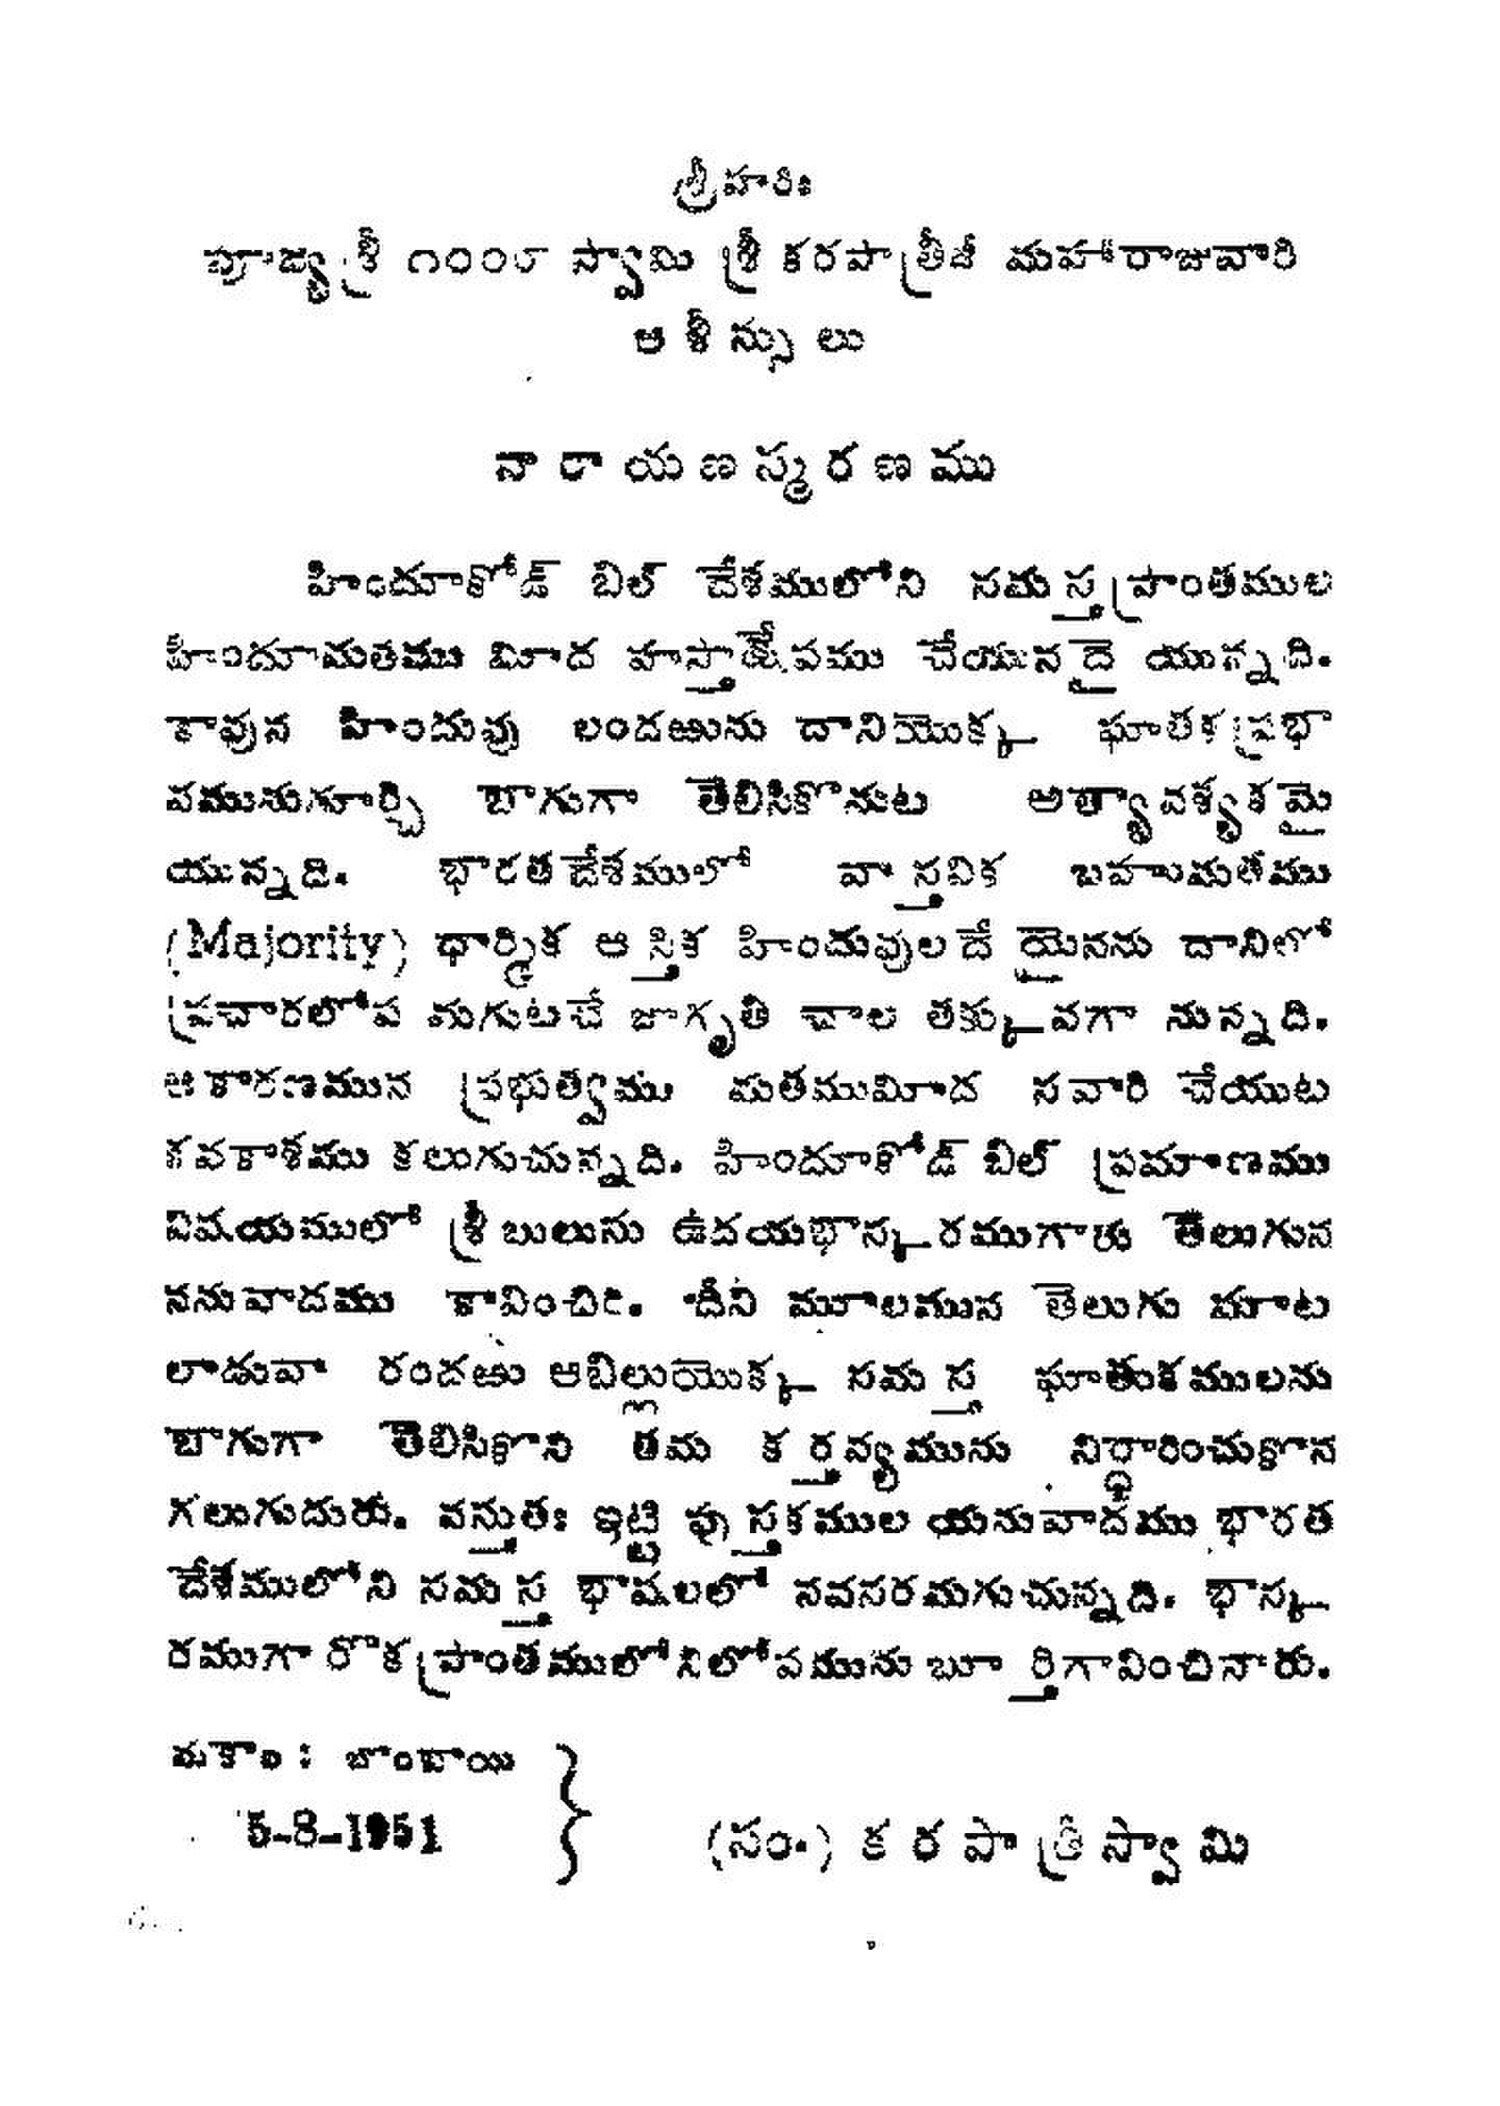హిందూకోడ్ బిల్ దేశములోని సమస్త ప్రాంతముల
హిందూమతము మీద హస్తాక్షేపము చేయునదై యున్నది.
కావున హిందువు లందఱును దానియొక్క ఘాతకప్రభా
వమునుగూర్చి బాగుగా తెలిసికొనుట అత్యావశ్యకమై
యున్నది. భారతదేశములో వాస్తవిక బహుమతము 
(Majority) ధార్మిక ఆస్తిక హిందువులదే యైనను దానిలో
ప్రచారలోప మగుటచే జాగృతి చాల తక్కువగా నున్నది.
ఆకారణమున ప్రభుత్వము మతముమీద సవారి చేయుట
కవకాశము కలుగుచున్నది. హిందూకోడ్ బిల్ ప్రమాణము
విషయములో శ్రీ బులుసు ఉదయభాస్కరముగారు తెలుగున
ననువాదము కావించిరి. దీని మూలమున తెలుగు మాట
లాడువా రందఱు ఆబిల్లుయొక్క సమస్త ఘాతుకములను
బాగుగా తెలిసికొని తమ కర్తవ్యమును నిర్ధారించుకొన
గలుగుదురు. వస్తుతః ఇట్టి పుస్తకముల యనువాదము భారత
దేశములోని సమస్త భాషలలో నవసరమగుచున్నది. భాస్క
రముగా రొక ప్రాంతములోని లోపమును బూర్తిగావించినారు.